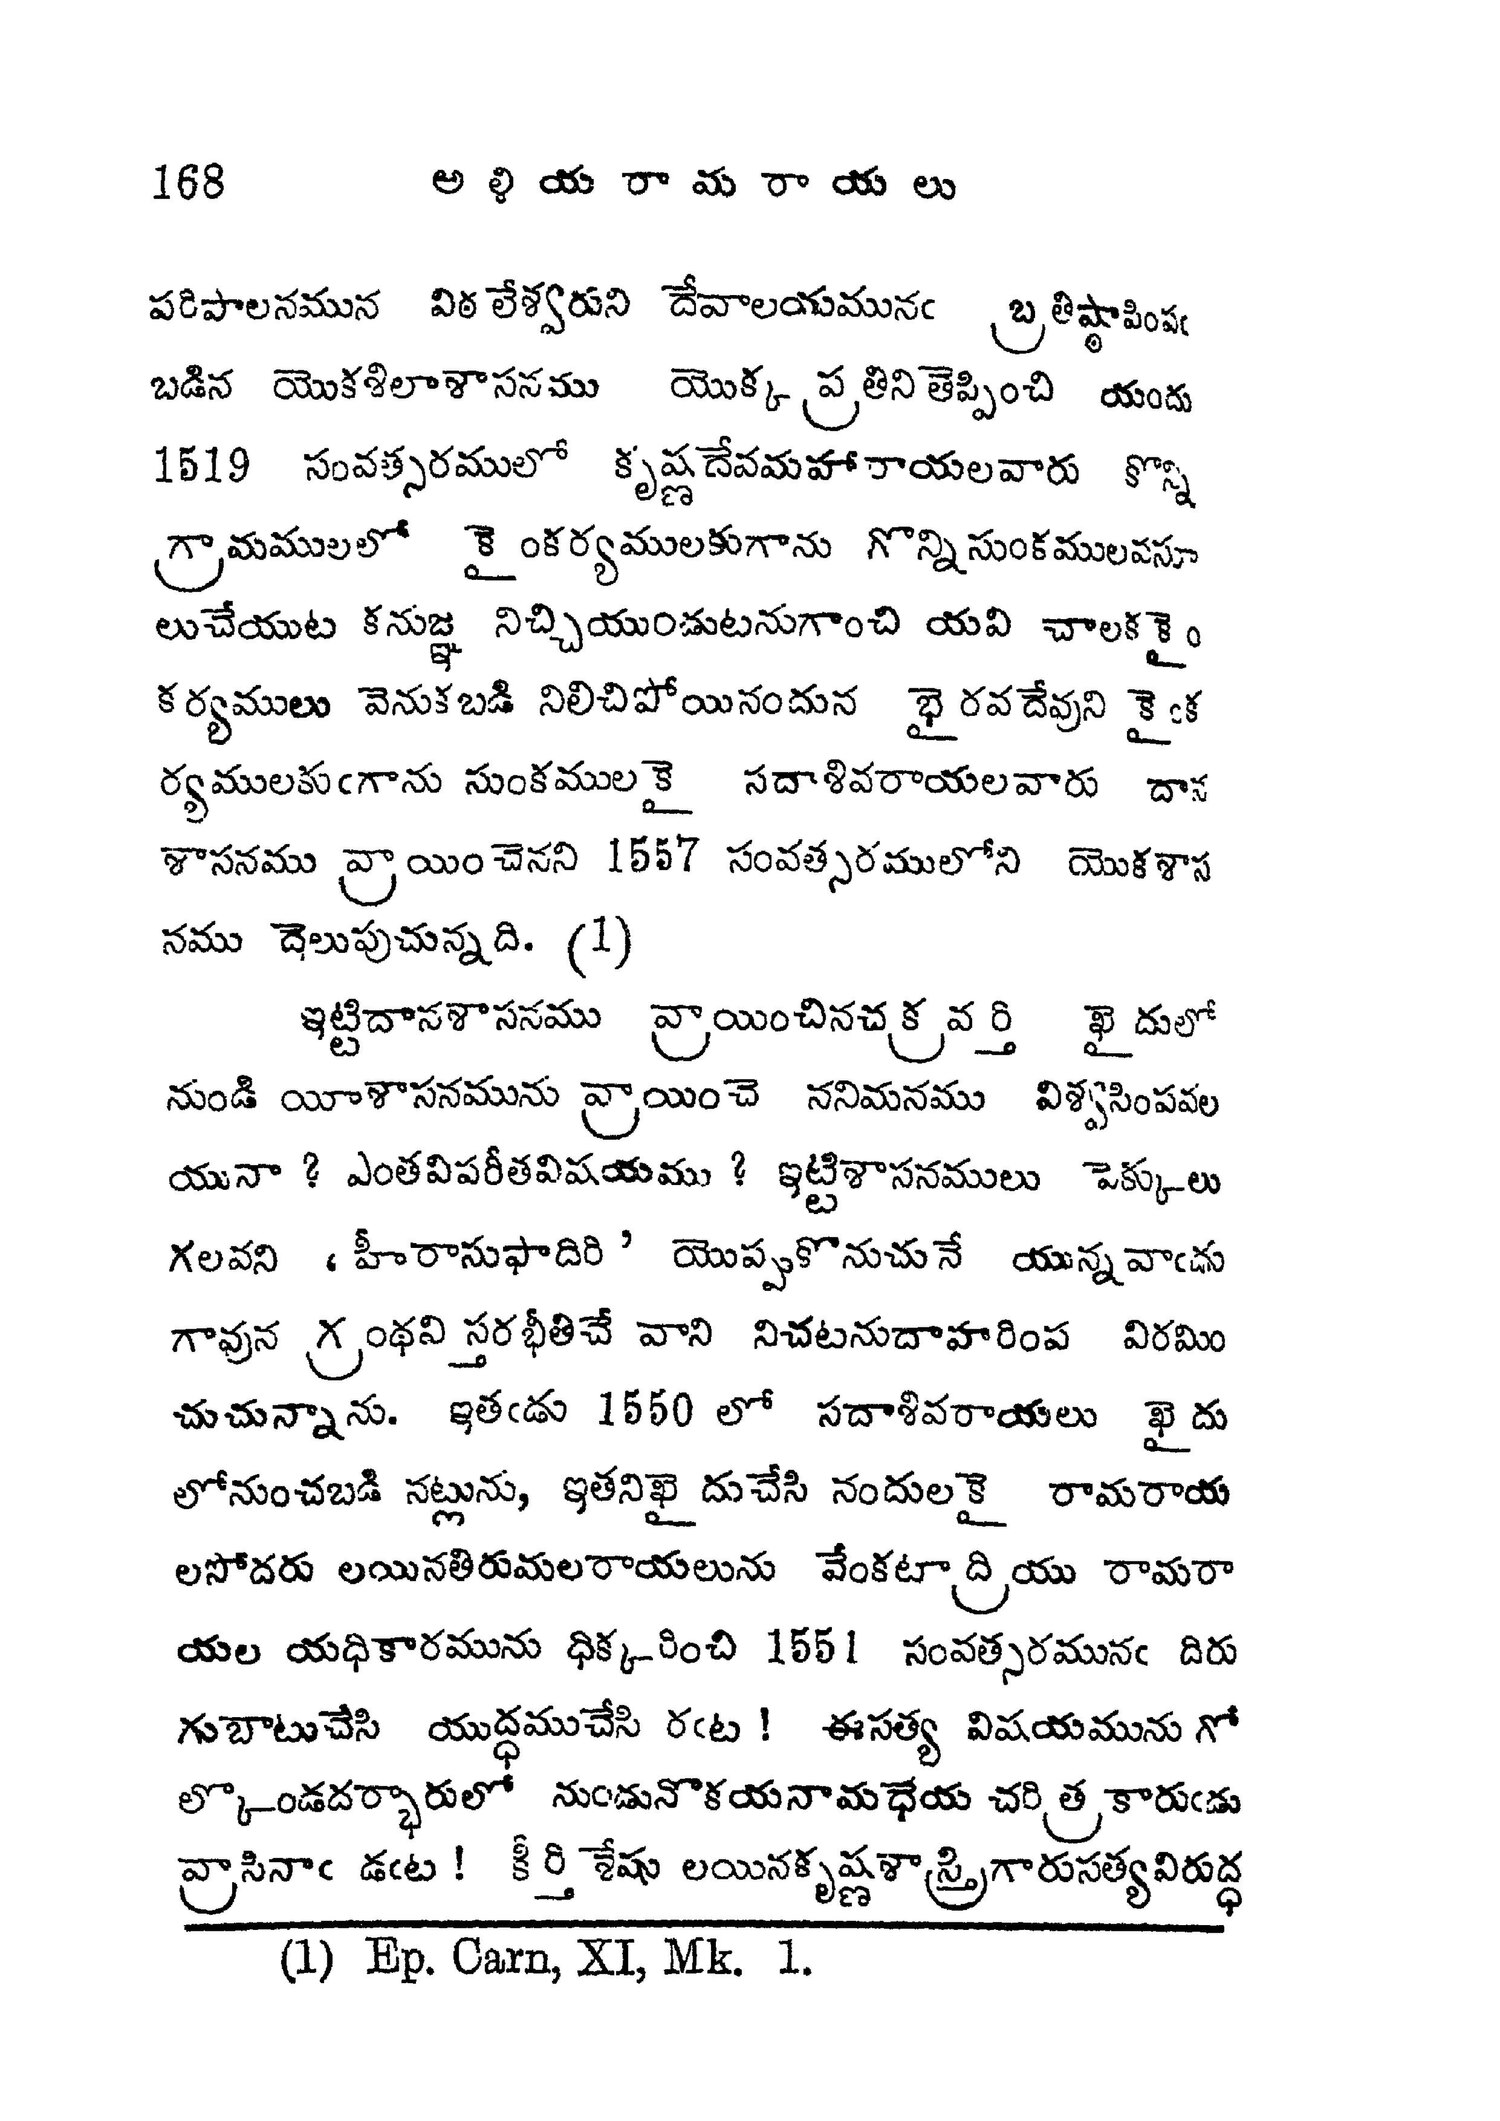పరిపాలనమున విఠలేశ్వరుని దేవాలయమున బ్రతిష్ఠాపింపబడిన యొకశిలాశాసనము యొక్క ప్రతినితెప్పించి యందు 1519 సంవత్సరములో కృష్ణదేవమహారాయలవారు కొన్ని గ్రామములలో కైంకర్యములకుగాను గొన్నిసుంకములవసూలుచేయుట కనుజ్ఞ నిచ్చియుండుటనుగాంచి యవి చాలకకైంకర్యములు వెనుకబడి నిలిచిపోయినందున భైరవదేవుని కైంకర్యములకుగాను సుంకములకై సదాశివరాయలవారు దానశాసనము వ్రాయించెనని 1557 సంవత్సరములోని యొకశాసనము దెలుపుచున్నది. 

ఇట్టిదానశాసనము వ్రాయించినచక్రవర్తి ఖైదులో నుండి యీశాసనమును వ్రాయించె ననిమనము విశ్వసింపవలయునా ? ఎంతవిపరీతవిషయము ? ఇట్టి శాసనములు పెక్కులు గలవని 'హీరాసుఫాదిరి' యొప్పుకొనుచునే యున్నవాడుగావున గ్రంథవిస్తరభీతిచే వాని నిచటనుదాహరింప విరమించుచున్నాను. ఇతడు 1550 లో సదాశివరాయలు ఖైదులోనుంచబడి నట్లును, ఇతనిఖైదుచేసి నందులకై రామరాయలసోదరు లయినతిరుమలరాయలును వేంకటాద్రియు రామరాయల యధికారమును ధిక్కరించి 1551 సంవత్సరమున దిరుగుబాటుచేసి యుద్ధముచేసి రట ! ఈసత్య విషయమును గోల్కొండదర్భారులో నుండునొకయనామధేయ చరిత్రకారుడు వ్రాసినా డట ! కీర్తిశేషు లయినకృష్ణశాస్త్రిగారు సత్యవిరుద్ధ